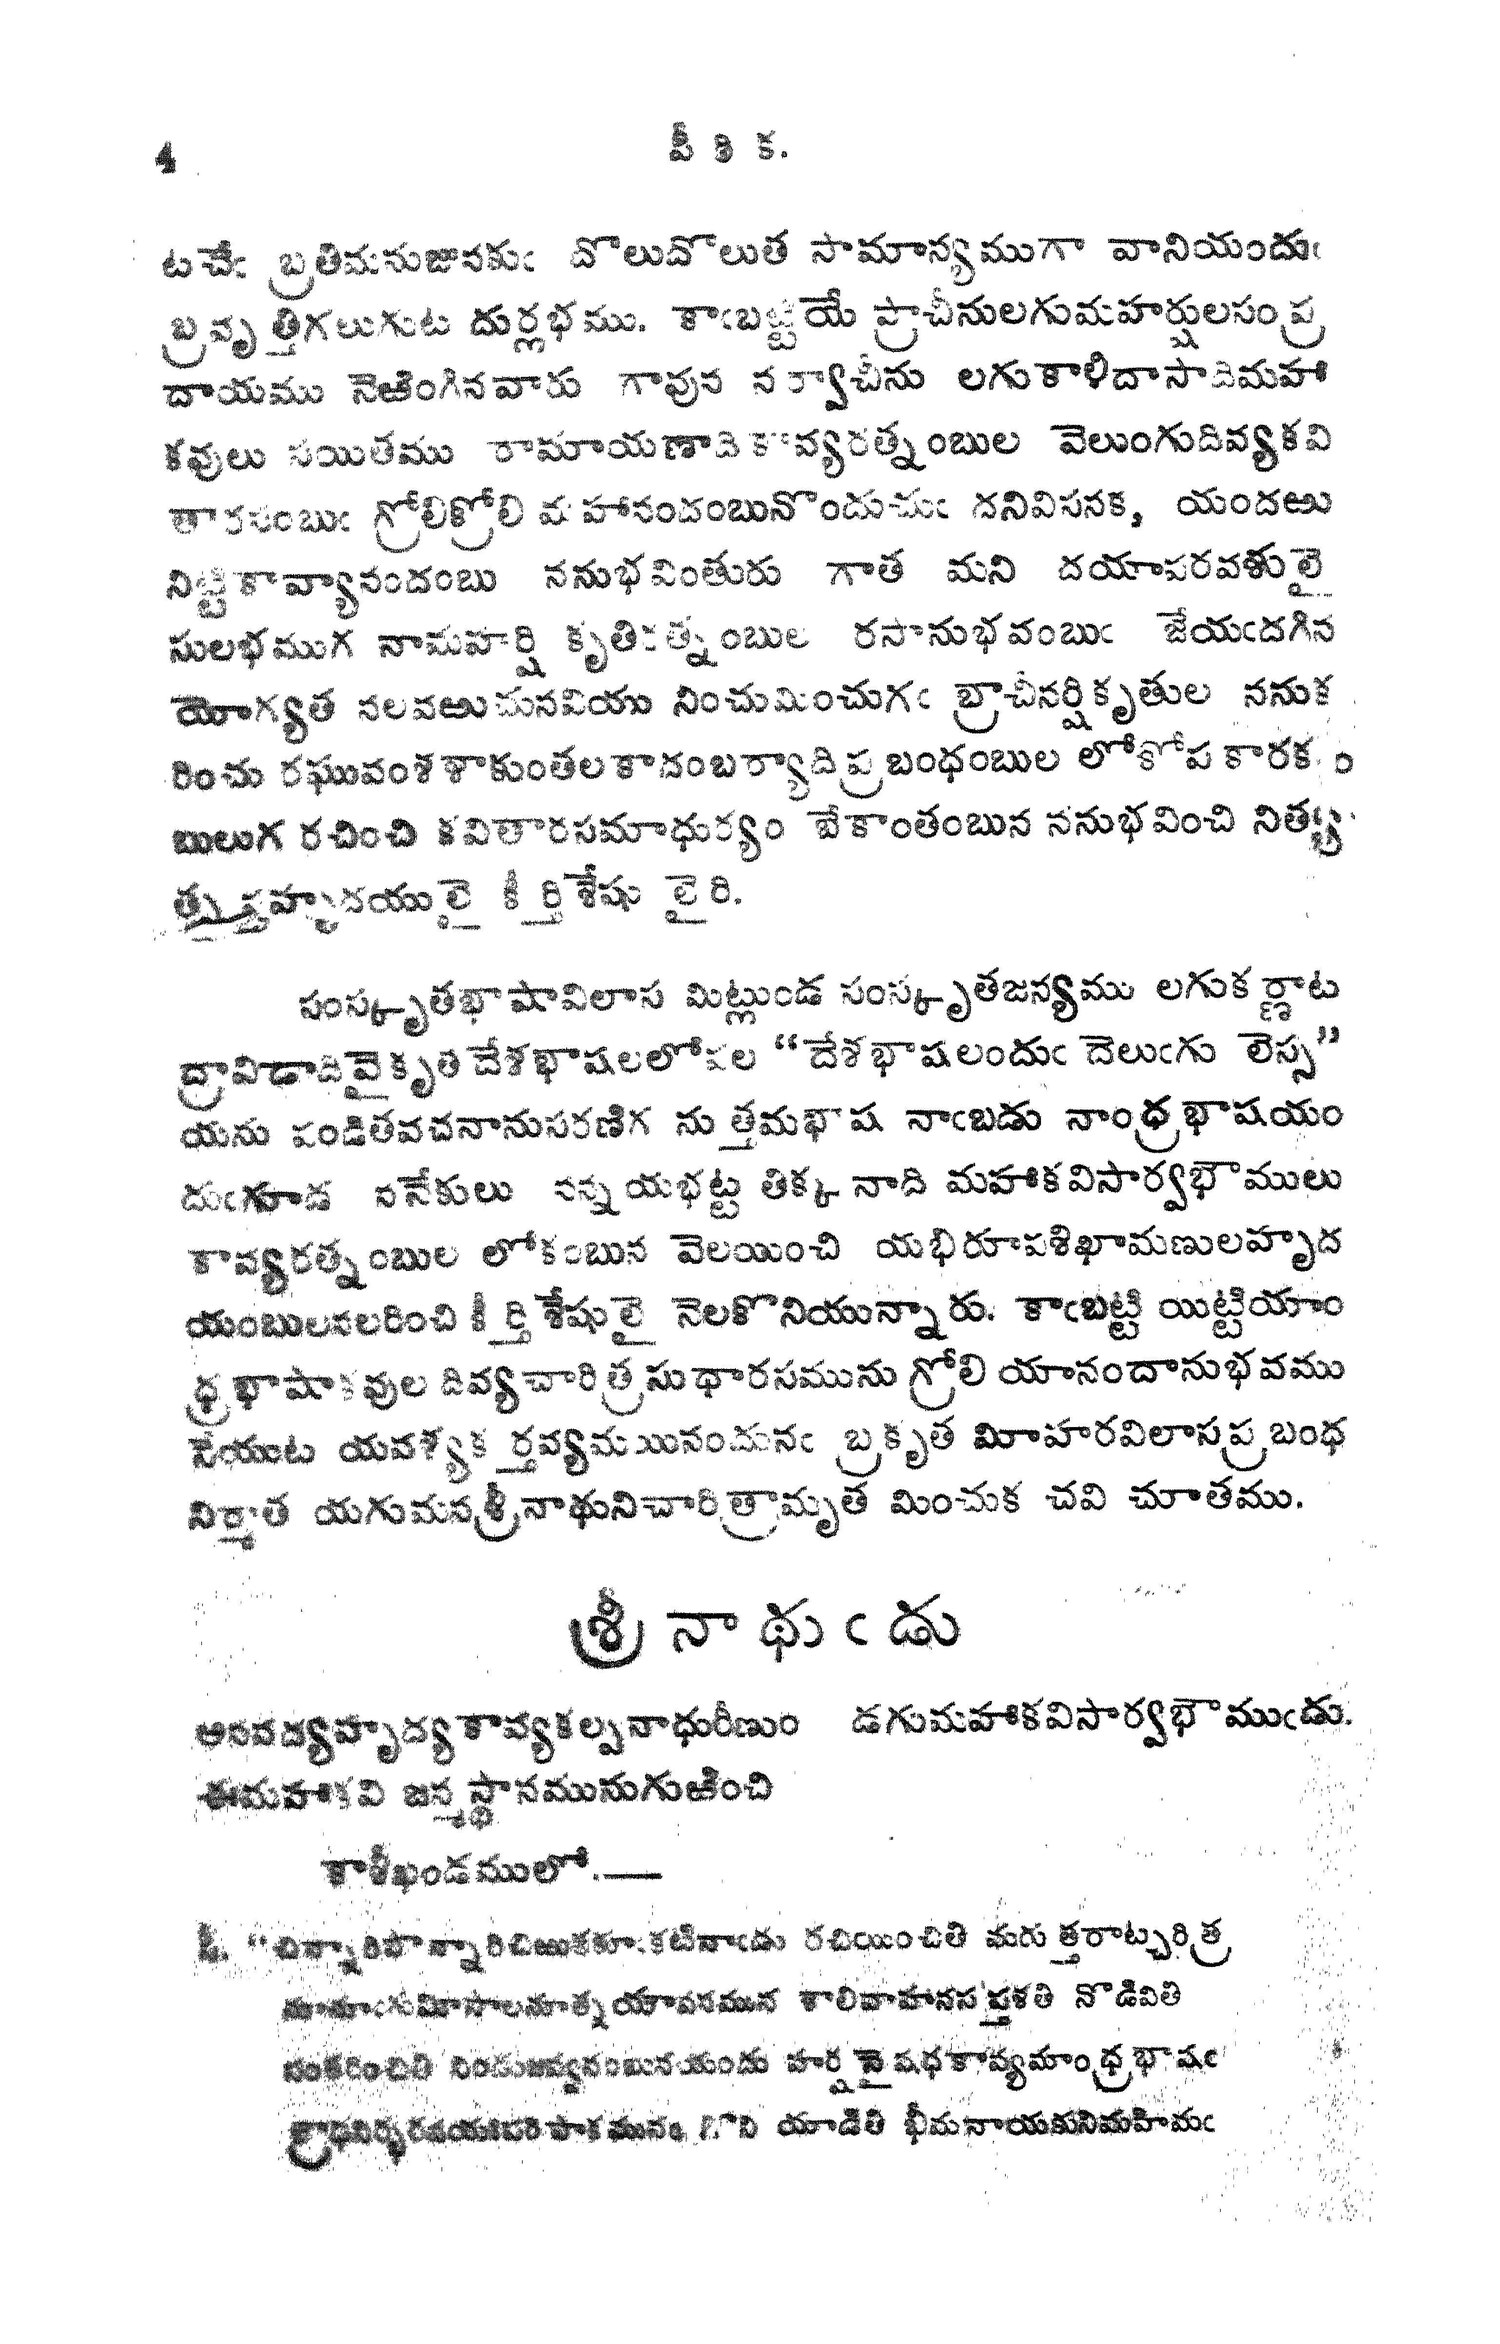టచేఁ బ్రతిమనుజునకుఁ దొలుదొలుత సామాన్యముగా వానియందుఁ బవృత్తిగలుగుట దుర్లభము. కాఁబట్టియే ప్రాచీనులగుమహర్షులసంప్రదాయము నెఱింగినవారు గావున నర్వాచీను లగుకాళిదాసాదిమహాకవులు సయితము రామాయణాది కావ్యరత్నంబుల వెలుంగుదివ్యకవితారసంబుఁ గ్రోలిక్రోలి మహానందంబునొందుచుఁ దనివిసనక, యందఱు నిట్టికావ్యానందంబు ననుభవింతురు గాత మని దయాపరవశులై సులభముగ నామహర్షి కృతిరత్నంబుల రసానుభవంబుఁ జేయఁదగిన యోగ్యత నలవఱుచునవియు నించుమించుగఁ బ్రాచీనర్షికృతుల ననుకరించు రఘువంశశాకుంతలకాదంబర్యాదిప్రబంధంబుల లోకోపకారకంబులుగ రచించి కవితారసమాధుర్యం బేకాంతంబున ననుభవించి నిత్యతృప్తహృదయులై కీర్తిశేషు లైరి.

సంస్కృత భాషావిలాస మిట్లుండ సంస్కృతజన్యము లగుకర్ణాట ద్రావిడాది వైకృతదేశభాషలలోపల “దేశభాషలందుఁ దెలుఁగు లెస్స” యను పండిత వచనానుసరణిగ నుత్తమభాష నాఁబడు నాంధ్రభాషయందుఁగూడ ననేకులు నన్నయభట్ట తిక్కనాది మహాకవిసార్వభౌములు కావ్యరత్నంబుల లోకంబున వెలయించి యభిరూపశిఖామణులహృదయంబుల నలరించి కీర్తిశేషులై నెలకొనియున్నారు. కాఁబట్టి యిట్టియాంధ్రభాషాకవుల దివ్యచారిత్రసుధారసమును గ్రోలి యానందానుభవము సేయుట యవశ్యకర్తవ్యమయినందునఁ బ్రకృత మీహరవిలాసప్రబంధనిర్మాత యగుమనశ్రీనాథునిచారిత్రామృత మించుక చవి చూతము.

శ్రీనాథుఁడు 

అనవద్యహృద్యకావ్యకల్పనాధురీణుం డగుమహాకవిసార్వభౌమ్యుడు. ఈమహాకవి జన్మస్థానమునుగుఱించి
కాశీఖండములో.

సీ. "చిన్నారిపొన్నారిచిఱుతకూఁకటినాఁడు రచియించితి మరుత్తరాట్చరిత్ర
 నూనూఁగుమీసాలనూత్నయౌవనమున శాలివాహనసప్తశతి నొడివితి 
 సంకరించితి నిండుజవ్వనంబునయందు హర్షనైషధకావ్య మాంధ్రభాషఁ 
 భ్రౌడనిర్భరవయఃపరిపాకమునఁ గొని యాడితి భీమనాయకుని మహిమఁ